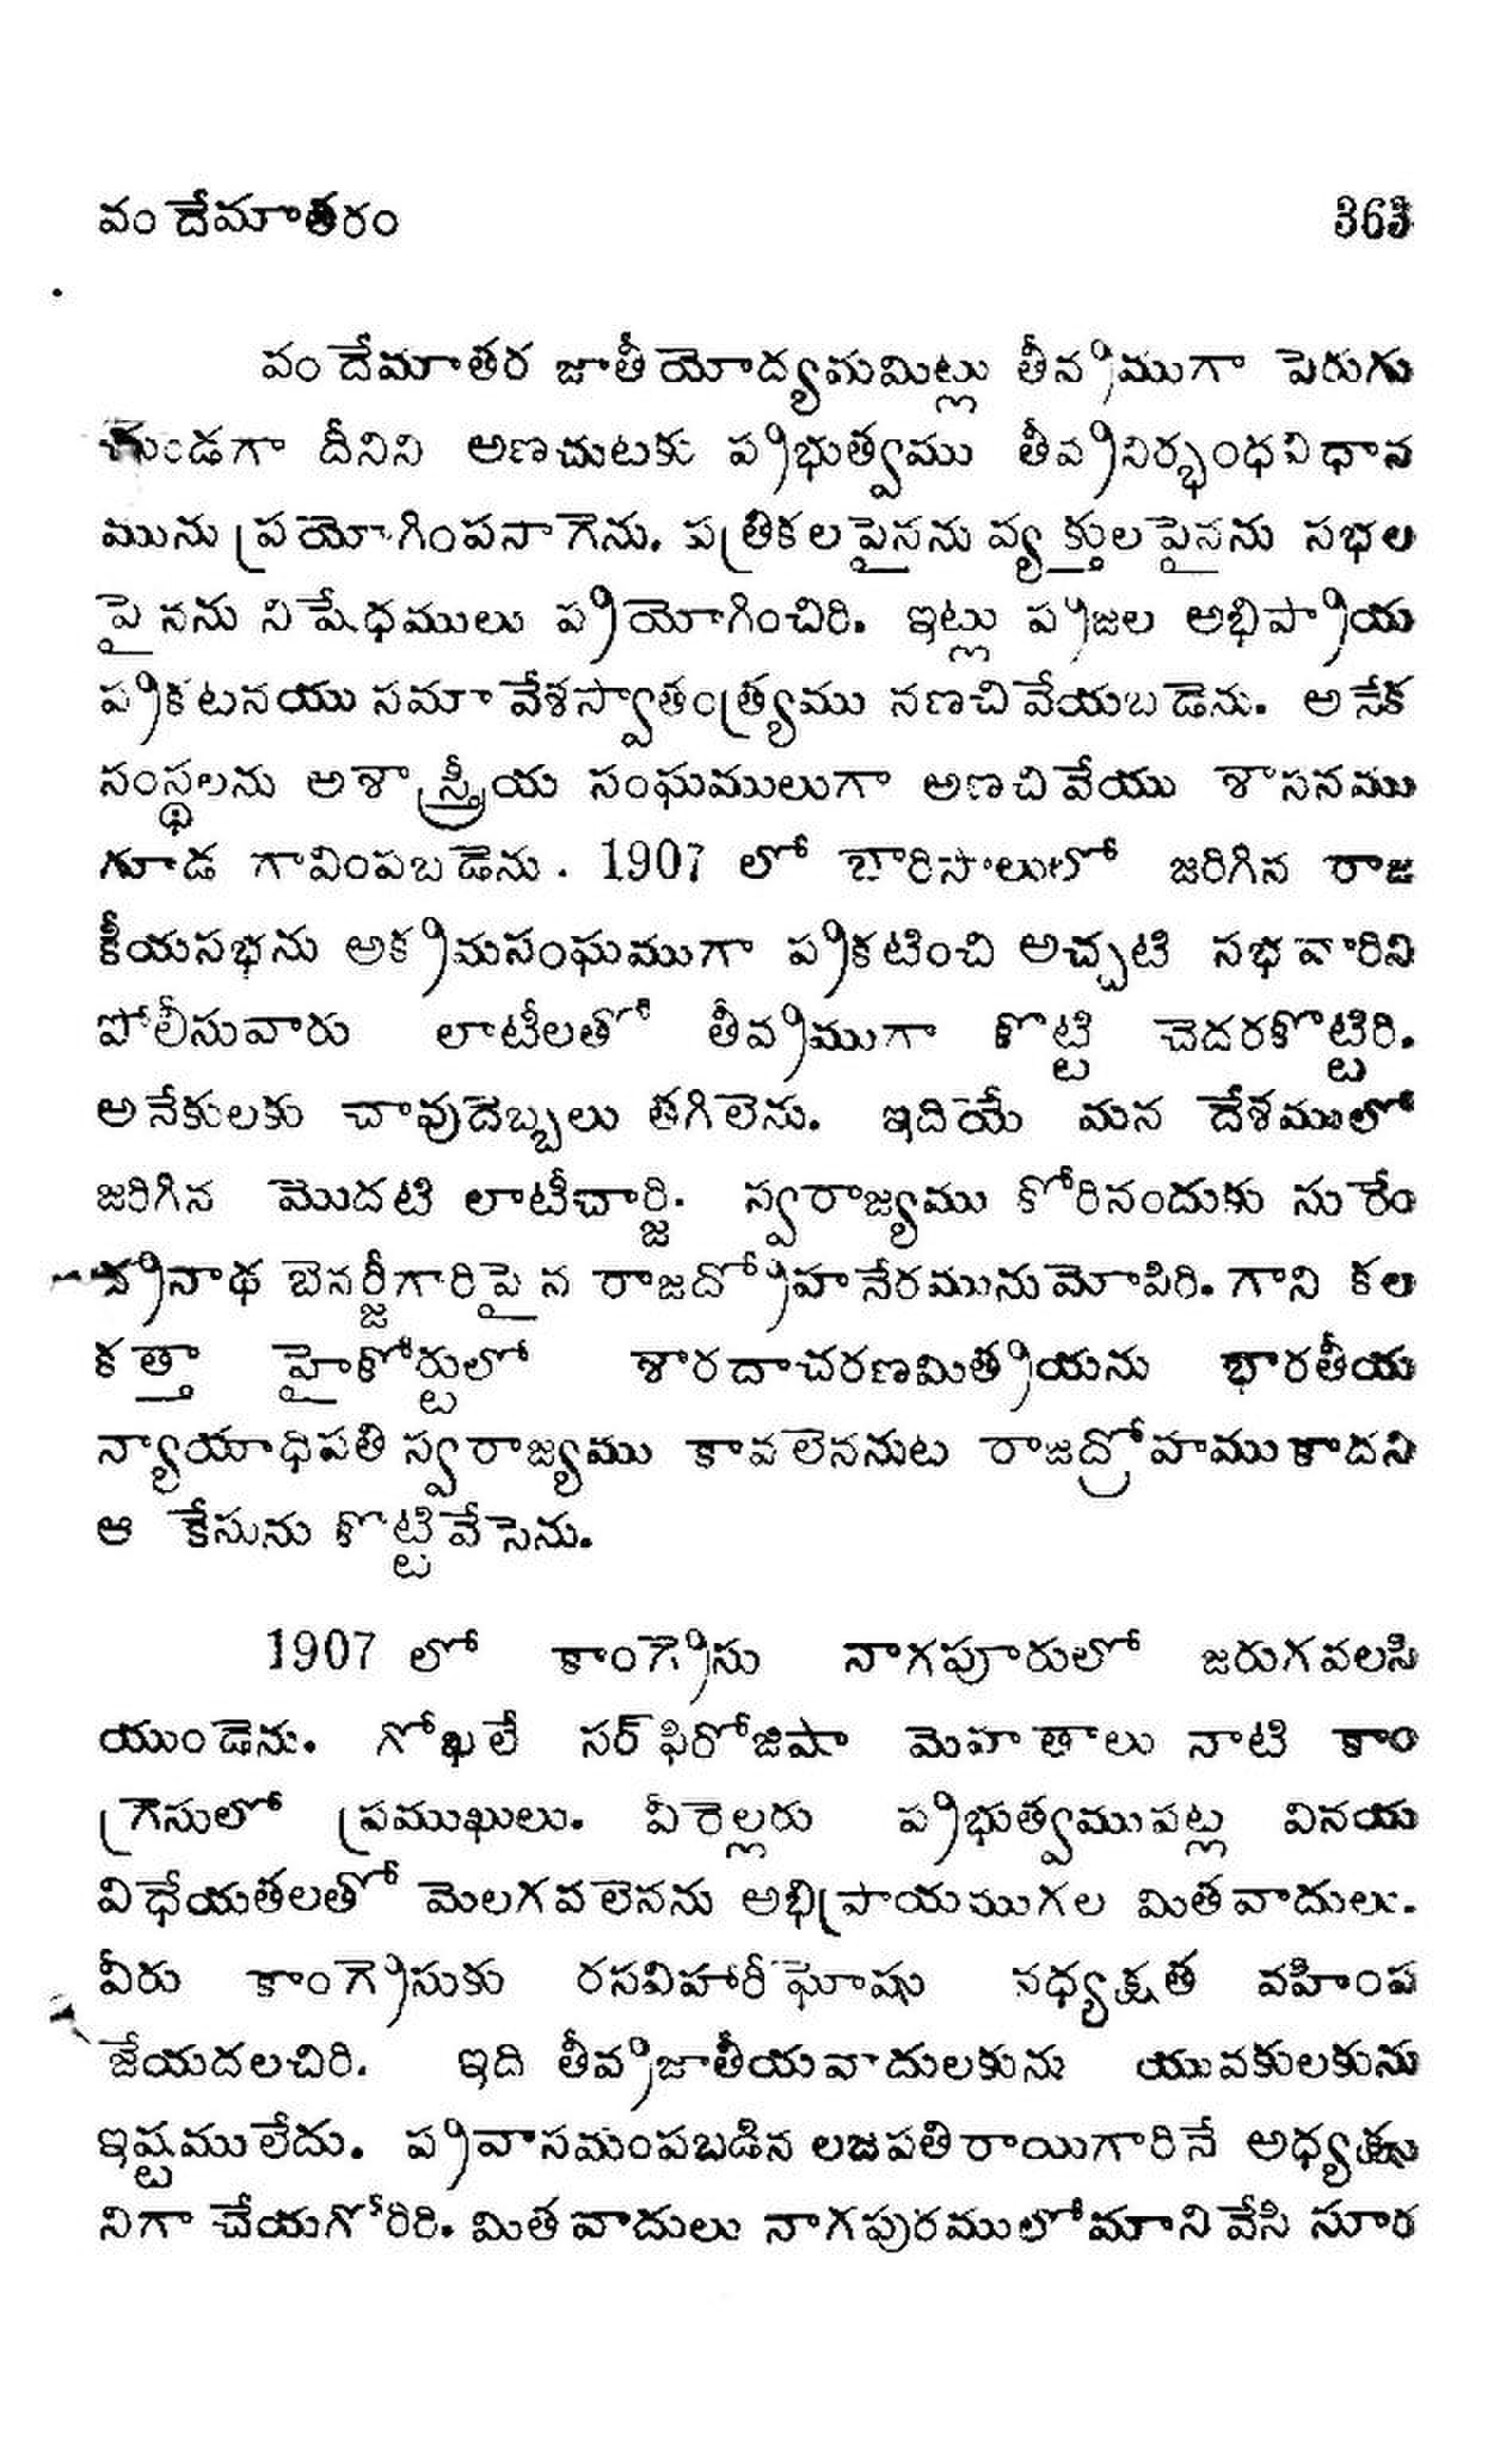వందేమాతర జూతీయోద్యమమిట్లు తీవ్రముగా పెరుగుచుండగా దీనిని అణచుటకు ప్రభుత్వము తీవ్రనిర్బంధవిధానమును ప్రయోగింపసాగెను. పత్రికలపైనను వ్యక్తులపైనను సభలపైనను నిషేధములు ప్రయోగించిరి. ఇట్లు ప్రజల అభిప్రాయ ప్రకటనయు సమావేశస్వాతంత్ర్యము నణచివేయబడెను. అనేక సంస్థలను అశాస్త్రీయ సంఘములుగా అణచివేయు శాసనము గూడ గావింపబడెను . 1907 లో బారిసాలులో జరిగిన రాజకీయసభను అక్రమసంఘముగా ప్రకటించి అచ్చటి సభవారిని పోలీసువారు లాటీలతో తీవ్రముగా కొట్టి చెదరకొట్టిరి. అనేకులకు చావుదెబ్బలు తగిలెను. ఇదియే మన దేశములో జరిగిన మొదటి లాటీచార్జి. స్వరాజ్యము కోరినందుకు సురేంద్రనాథ బెనర్జీగారిపైన రాజద్రోహనేరమునుమోపిరి. గాని కలకత్తా హైకోర్టులో శారదాచరణమిత్రయను భారతీయ న్యాయాధిపతి స్వరాజ్యము కావలెననుట రాజద్రోహము కాదని ఆ కేసును కొట్టివేసెను.

1907 లో కాంగ్రెసు నాగపూరులో జరుగవలసి యుండెను. గోఖలే సర్‌ఫిరోజిషా మెహతాలు నాటి కాంగ్రెసులో ప్రముఖులు. వీరెల్లరు ప్రభుత్వముపట్ల వినయ విధేయతలతో మెలగవలెనను అభిప్రాయముగల మితవాదులు. . వీరు కాంగ్రెసుకు రసవిహారీఘోషు నధ్యక్షత వహింప జేయదలచిరి. ఇది తీవ్రజాతీయవాదులకును యువకులకును ఇష్టములేదు. ప్రవాసమంపబడిన లజపతిరాయిగారినే అధ్యక్షునిగా చేయగోరిరి. మితవాదులు నాగపురములోమానివేసి సూర